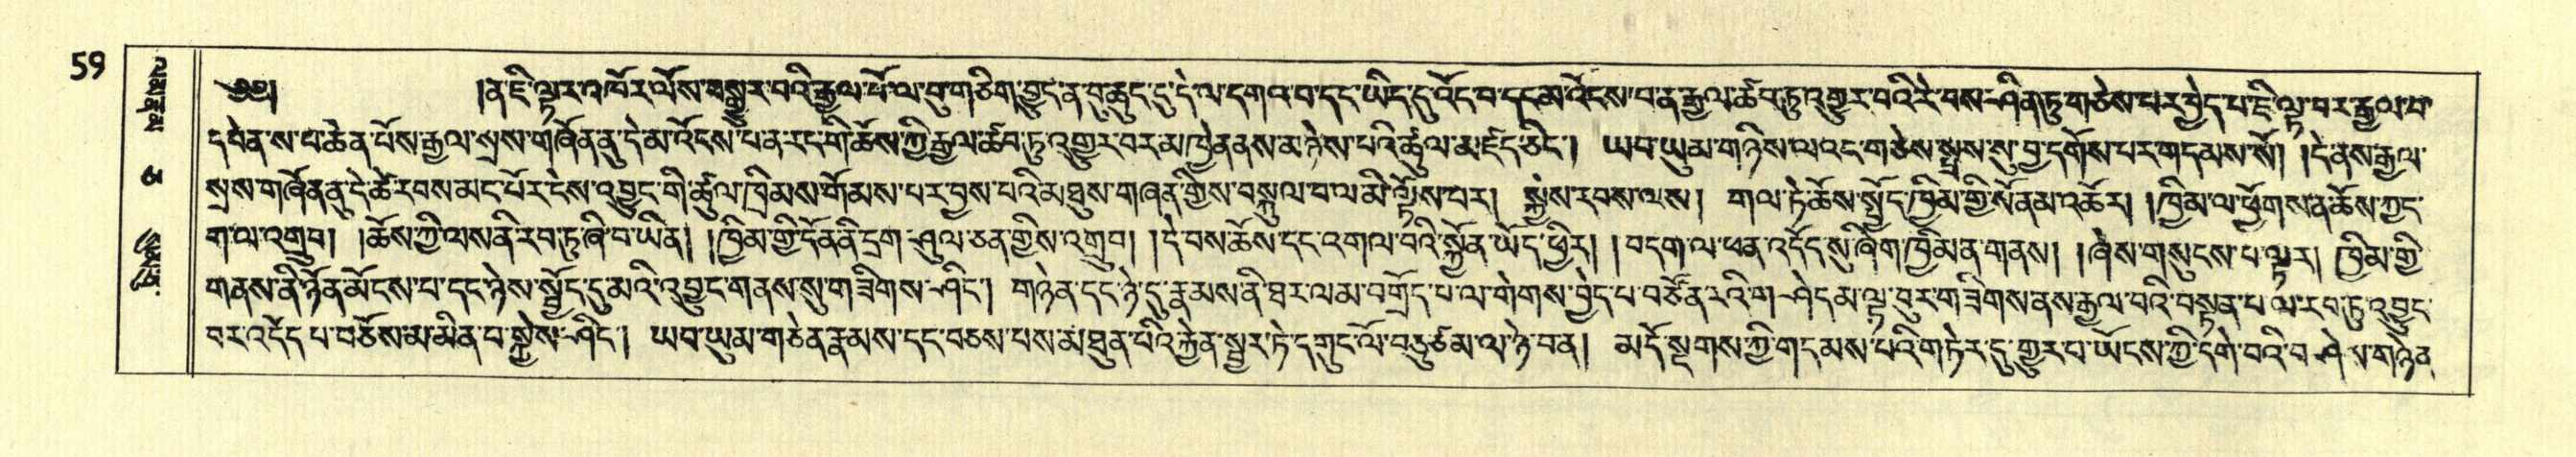༄༅། །ན་ཇི་ལྟར་འཁོར་ལོས་བསྒྱུར་བའི་རྒྱལ་པོ་ལ་བུ་གཅིག་བྱུང་ན་བུ་ཆུང་དུ་དེ་ལ་དགའ་བ་དང་ཡིད་དུ་འོང་བ་དང་མ་འོངས་པ་ན་རྒྱལ་ཚབ་ཏུ་འགྱུར་བའི་རེ་བས་ཤིན་ཏུ་གཅེས་པར་བྱེད་པ་ཇི་ལྟ་བར་རྒྱལ་བ་
དབེན་ས་པ་ཆེན་པོས་རྒྱལ་སྲས་གཞོན་ནུ་དེ་མ་འོངས་པ་ན་རང་གི་ཆོས་ཀྱི་རྒྱལ་ཚབ་ཏུ་འགྱུར་བར་མཁྱེན་ནས་མཉེས་པའི་ཚུལ་མཛད་ཅིང་། ཡབ་ཡུམ་གཉིས་ལའང་གཅེས་སྤྲས་སུ་བྱ་དགོས་པར་གདམས་སོ། །དེ་ནས་རྒྱལ་
སྲས་གཞོན་ནུ་དེ་ཚེ་རབས་མང་པོར་ངེས་འབྱུང་གི་ཚུལ་ཁྲིམས་གོམས་པར་བྱས་པའི་མཐུས་གཞན་གྱིས་བསྐུལ་བ་ལ་མི་ལྟོས་པར། སྐྱེས་རབས་ལས། གལ་ཏེ་ཆོས་སྤྱོད་ཁྱིམ་གྱི་སོ་ནམ་འཆོར། །ཁྱིམ་ལ་ཕྱོགས་ན་ཆོས་ཀྱང་
ག་ལ་འགྲུབ། །ཆོས་ཀྱི་ལས་ནི་རབ་ཏུ་ཞི་བ་ཡིན། །ཁྱིམ་གྱི་དོན་ནི་དྲག་ཤུལ་ཅན་གྱིས་འགྲུབ། །དེ་བས་ཆོས་དང་འགལ་བའི་སྐྱོན་ཡོད་ཕྱིར། །བདག་ལ་ཕན་འདོད་སུ་ཞིག་ཁྱིམ་ན་གནས། །ཞེས་གསུངས་པ་ལྟར། ཁྱིམ་གྱི་
གནས་ནི་ཉོན་མོངས་པ་དང་ཉེས་སྦྱོང་དུ་མའི་འབྱུང་གནས་སུ་གཟིགས་ཤིང་། གཉེན་དང་ཉེ་དུ་རྣམས་ནི་ཐར་ལམ་བགྲོད་པ་ལ་གེགས་བྱེད་པ་བཙོན་རའི་གཤེད་མ་ལྟ་བུར་གཟིགས་ནས་རྒྱལ་བའི་བསྟན་པ་ལ་རབ་ཏུ་འབྱུང་
བར་འདོད་པ་བཅོས་མ་མིན་པ་སྐྱེས་ཤིང་། ཡབ་ཡུམ་གཅེན་རྣམས་དང་བཅས་པས་མཐུན་པའི་རྐྱེན་སྦྱར་ཏེ་དགུང་ལོ་བཅུ་ཙམ་ལ་ཉེ་བ་ན། མདོ་སྔགས་ཀྱི་གདམས་པའི་གཏེར་དུ་གྱུར་བ་ཡོངས་ཀྱི་དགེ་བའི་བཤེས་གཉེན་